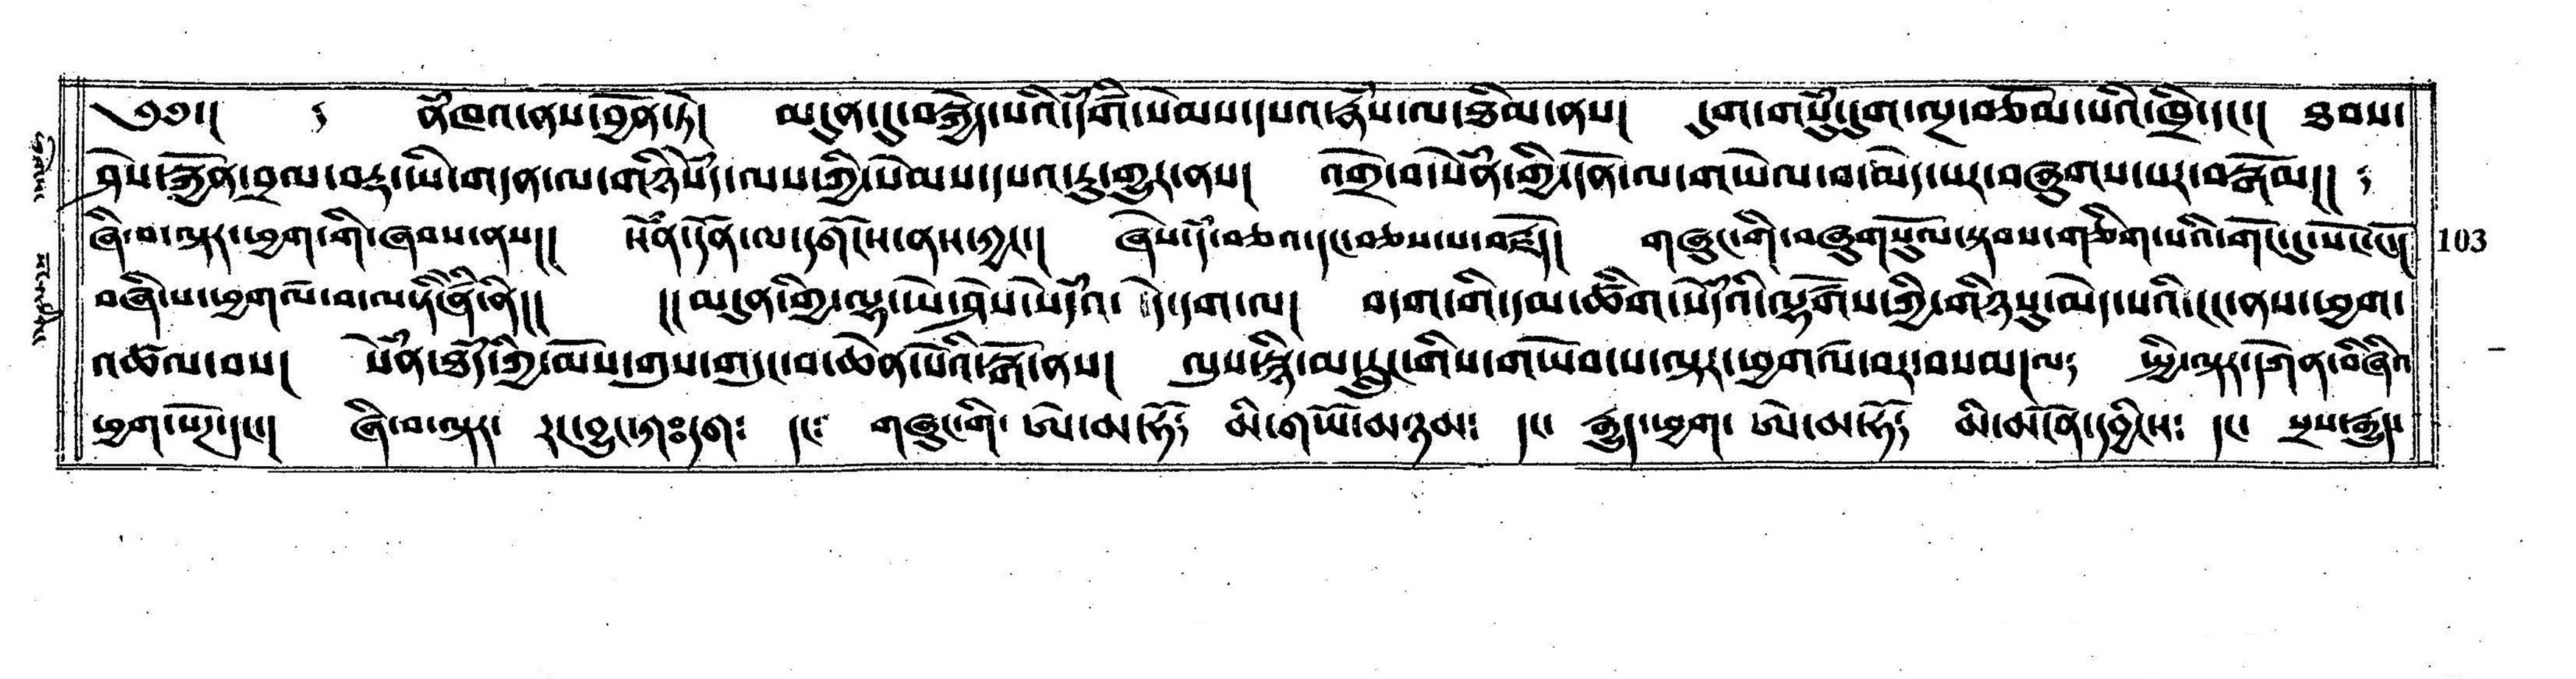ནམ་མཁའ་ནས་བྱོན་ཏེ། མདུན་དུ་བསྐྱེད་པའི་དམ་ཚིག་སེམས་དཔའ་རྣམས་ལ་ཐིམ་ནས། དུག་གསུམ་དུག་ལྔ་བཅོམ་པའི་ཁྲི་དང་། ཐབས་
ཤེས་སྐྱོན་བྲལ་བརྡ་ཡི་གདན་ལ་གཉིས་མེད་ལས་ཀྱི་སེམས་དཔའ་རུ་གྱུར་ནས། འགྲོ་བ་སེམས་ཅན་གྱི་དོན་ལ་གཡེལ་བ་མེད་པར་བཞུགས་པར་བསྒོམ།། 
ཞི་བ་ལྟར་ཕྱག་གི་ཞབས་ནས།། སེམས་ཅན་དོན་ལ་དགོངས་ནས་ཀྱང་། ཞེས་དམ་བཅའ་དང་བཅས་པ་བརྗོད། གཞུང་གི་བཞུགས་གསོལ་སྟབས་གཅིག་པའི་གོང་དུ་སོང་ངོ་། 
བཞི་པ་ཕྱག་འཚལ་བ་ལ་ཏིང་ངེ་འཛིན་ནི།། །།མདུན་གྱི་ལྷ་ཡེ་ཤེས་སེམས་དཔའ་དེ་དག་ལ། བདག་གི་དམ་ཚིག་སེམས་དཔའི་ལྷ་ཚོགས་ཀྱི་གཉིས་སུ་མེད་པའི་ངང་ནས་ཕྱག་
འཚལ་བས། སེམས་ཅན་ཐམས་ཅད་ཀྱི་མོས་གུས་གདུང་བ་ཆེན་པོའི་སྒོ་ནས། ལུས་སྙི་མ་རླུང་གིས་གཡོབ་པ་ལྟར་ཕྱག་འཚལ་བར་བསམ།ལ སྤྱི་ལྟར་དཀོན་བཞིའི་
ཕྱག་སོགས་དང་། ཞི་བ་ལྟར་རང་བྱུང་ཀཿདག༴ དང་གཞུང་གི་ཨེ་མ་ཧོ མི་གཡོ་མཉམ༴ དང་རྒྱུད་ཕྱག་ཨེ་མ་ཧོ མི་མངོན་དབྱིངས༴ དང་སྲས་རྒྱུད་